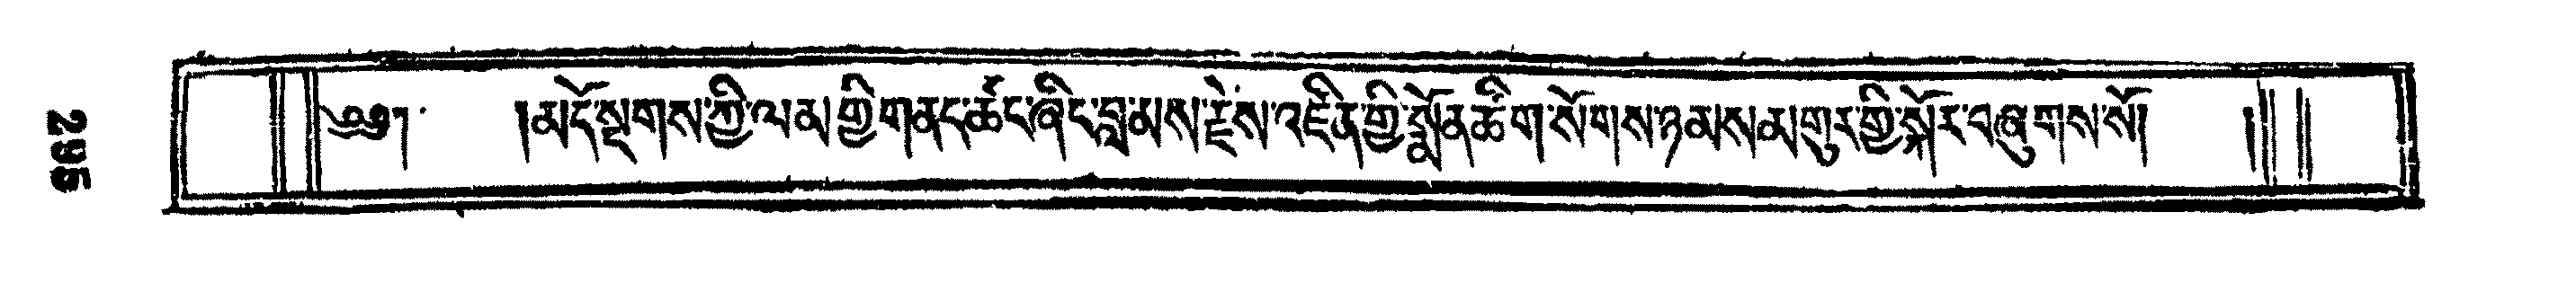༄༅། །མདོ་སྔགས་ཀྱི་ལམ་གྱི་གནད་ཚང་ཞིང་བླ་མས་རྗེས་འཛིན་གྱི་སྨོན་ཚིག་སོགས་ཉམས་མགུར་གྱི་སྐོར་བཞུགས་སོ། །